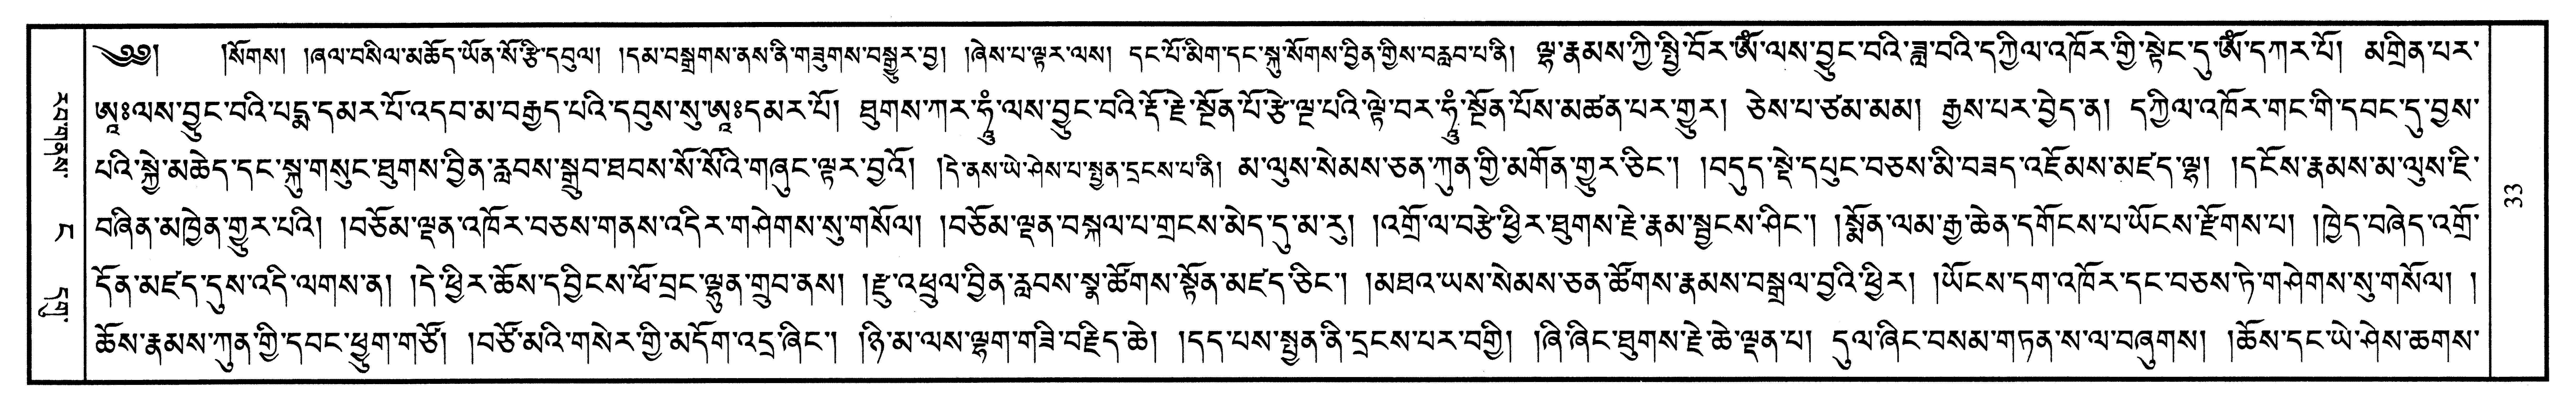༄༅། །སོགས། །ཞལ་བསིལ་མཆོད་ཡོན་སོ་རྩི་དབུལ། །དམ་བསྒྲགས་ནས་ནི་གཟུགས་བསྒྱུར་བྱ། །ཞེས་པ་ལྟར་ལས། དང་པོ་མིག་དང་སྐུ་སོགས་བྱིན་གྱིས་བརླབ་པ་ནི། ལྷ་རྣམས་ཀྱི་སྤྱི་བོར་ཨོཾ་ལས་བྱུང་བའི་ཟླ་བའི་དཀྱིལ་འཁོར་གྱི་སྟེང་དུ་ཨོཾ་དཀར་པོ། མགྲིན་པར་
ཨཱཿ ལས་བྱུང་བའི་པདམ་དམར་པོ་འདབ་མ་བརྒྱད་པའི་དབུས་སུ་ཨཱཿ དམར་པོ། ཐུགས་ཀར་ཧཱུཾ་ལས་བྱུང་བའི་རྡོ་རྗེ་སྔོན་པོ་རྩེ་ལྔ་པའི་ལྟེ་བར་ཧཱུཾ་སྔོན་པོས་མཚན་པར་གྱུར། ཅེས་པ་ཙམ་མམ། རྒྱས་པར་བྱེད་ན། དཀྱིལ་འཁོར་གང་གི་དབང་དུ་བྱས་
པའི་སྐྱེ་མཆེད་དང་སྐུ་གསུང་ཐུགས་བྱིན་རླབས་སྒྲུབ་ཐབས་སོ་སོའི་གཞུང་ལྟར་བྱའོ། །དེ་ནས་ཡེ་ཤེས་པ་སྤྱན་དྲངས་པ་ནི། མ་ལུས་སེམས་ཅན་ཀུན་གྱི་མགོན་གྱུར་ཅིང་། །བདུད་སྡེ་དཔུང་བཅས་མི་བཟད་འཇོམས་མཛད་ལྷ། །དངོས་རྣམས་མ་ལུས་ཇི་
བཞིན་མཁྱེན་གྱུར་པའི། །བཅོམ་ལྡན་འཁོར་བཅས་གནས་འདིར་གཤེགས་སུ་གསོལ། །བཅོམ་ལྡན་བསྐལ་པ་གྲངས་མེད་དུ་མ་རུ། །འགྲོ་ལ་བརྩེ་ཕྱིར་ཐུགས་རྗེ་རྣམ་སྦྱངས་ཤིང་། །སྨོན་ལམ་རྒྱ་ཆེན་དགོངས་པ་ཡོངས་རྫོགས་པ། །ཁྱེད་བཞེད་འགྲོ་
དོན་མཛད་དུས་འདི་ལགས་ན། །དེ་ཕྱིར་ཆོས་དབྱིངས་ཕོ་བྲང་ལྷུན་གྲུབ་ནས། །རྫུ་འཕྲུལ་བྱིན་རླབས་སྣ་ཚོགས་སྟོན་མཛད་ཅིང་། །མཐའ་ཡས་སེམས་ཅན་ཚོགས་རྣམས་བསྒྲལ་བྱའི་ཕྱིར། །ཡོངས་དག་འཁོར་དང་བཅས་ཏེ་གཤེགས་སུ་གསོལ། །
ཆོས་རྣམས་ཀུན་གྱི་དབང་ཕྱུག་གཙོ། །བཙོ་མའི་གསེར་གྱི་མདོག་འདྲ་ཞིང་། །ཉི་མ་ལས་ལྷག་གཟི་བརྗིད་ཆེ། །དད་པས་སྤྱན་ནི་དྲངས་པར་བགྱི། །ཞི་ཞིང་ཐུགས་རྗེ་ཆེ་ལྡན་པ། དུས་ཞིང་བསམ་གཏན་ས་ལ་བཞུགས། །ཆོས་དང་ཡེ་ཤེས་ཆགས་